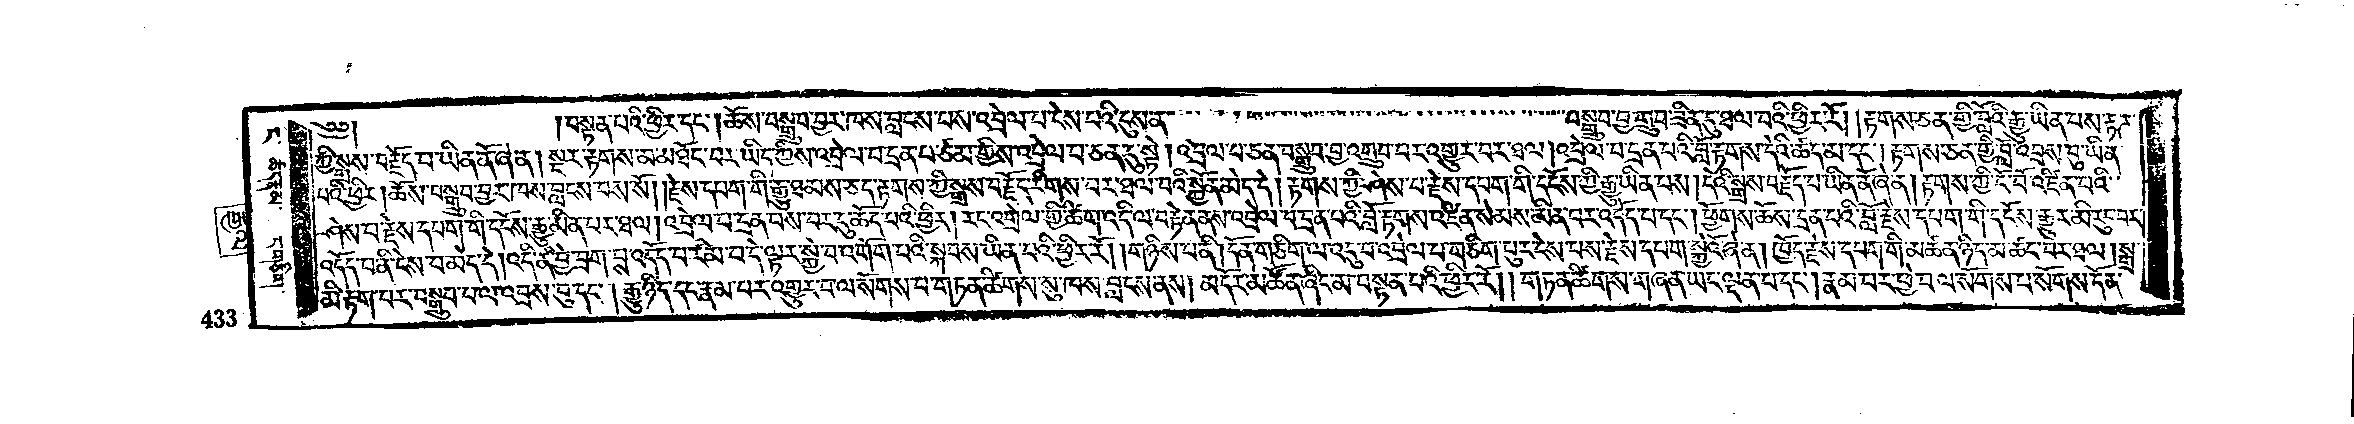༄༅། །བསྟན་པའི་ཕྱིར་དང་། ཆོས་བསྒྲུབ་བྱར་ཁས་བླངས་པས་འབྲེལ་པ་ངེས་པའི་དུས་ན་????????་ནྶྒྲུབ་བྱ་གྲུབ་ཟིན་དུ་ཐལ་བའི་ཕྱིར་རོ། །རྟགས་ཅན་གྱི་བློའི་རྒྱུ་ཡིན་པས་རྟགས་
ཀྱི་སྒྲས་བརྗོད་པ་ཡིན་ནོ་ཞེ་ན། སྔར་རྟགས་མ་མཐོང་བར་ཡིད་ཀྱིས་འབྲེལ་བ་དྲན་པ་ཙམ་གྱིས་འབྲེལ་པ་ཅན་དུ་སྟེ། འབྲེལ་པ་ཅན་བསྒྲུབ་བྱ་འགྲུབ་པར་འགྱུར་པར་ཐལ། འབྲེལ་པ་དྲན་པའི་བློ་རྟགས་དེའི་ཚད་མ་དང་། རྟགས་ཅན་གྱི་བློ་འབྲས་བུ་ཡིན་
པའི་ཕྱིར། ཆོས་བསྒྲུབ་བྱར་ཁས་བླངས་པས་སོ། །རྗེས་དཔག་གི་རྒྱུ་ཐམས་ཅད་རྟགས་ཀྱི་སྒྲས་བརྗོད་རིགས་པར་ཐལ་བའི་སྐྱོན་མེད་དེ། རྟགས་ཀྱི་ཤེས་པ་རྗེས་དཔག་གི་དངོས་ཀྱི་རྒྱུ་ཡིན་པས། དེའི་སྒྲས་བརྗོད་པ་ཡིན་ནོ་ཞེ་ན། རྟགས་ཀྱི་ངོ་བོ་འཛིན་པའི་
ཤེས་པ་རྗེས་དཔག་གི་དངོས་རྒྱུ་མིན་པར་ཐལ། འབྲེལ་བ་དྲན་པས་བར་དུ་ཆོད་པའི་ཕྱིར། རང་འགྲེལ་གྱི་ཚིག་འདི་ལ་བརྟེན་ནས་འབྲེལ་པ་དྲན་བའི་བློ་རྟགས་འཛིན་སེམས་མིན་པར་འདོད་པ་དང་། ཕྱོགས་ཆོས་དྲན་པའི་བློ་རྗེས་དཔག་གི་དངོས་རྒྱུར་མི་རུང་བར་
འདོད་བ་ནི་ངེས་པ་མེད་དེ། འདི་ནི་བྱེ་བྲག་པས་འདོད་པ་རིམ་པ་དེ་ལྟར་སྐྱེ་བ་འགོག་པའི་སྐབས་ཡིན་པའི་ཕྱིར་རོ། །གཉིས་པ་ནི། དོན་གཅིག་ལ་འདུ་བ་འབྲེལ་པ་ག་ཅིག་པུར་ངེ་པས་རྗེས་དཔག་སྐྱེའོ་ཞེ་ན། ཁྱོད་རྗེས་དཔག་གི་མཚན་ཉིད་མ་ཚང་བར་ཐལ། སྒྲ་
མི་རྟག་པར་བསྒྲུབ་པ་ལ་འབྲས་བུ་དང་། རྒྱུ་ཉིད་དང་རྣམ་པར་འགྱུར་བ་ལ་སོགས་པ་གཏན་ཚིགས་སུ་ཁས་བླངས་ནས། མདོར་མཚོན་ཞིང་མ་བསྟན་པའི་ཕྱིར་རོ། །གཏན་ཚིགས་གཞན་ཡང་ལྡན་པ་དང་། རྣམ་པར་ཕྱེ་བ་ལ་སོགས་པ་སོགས་དོན་